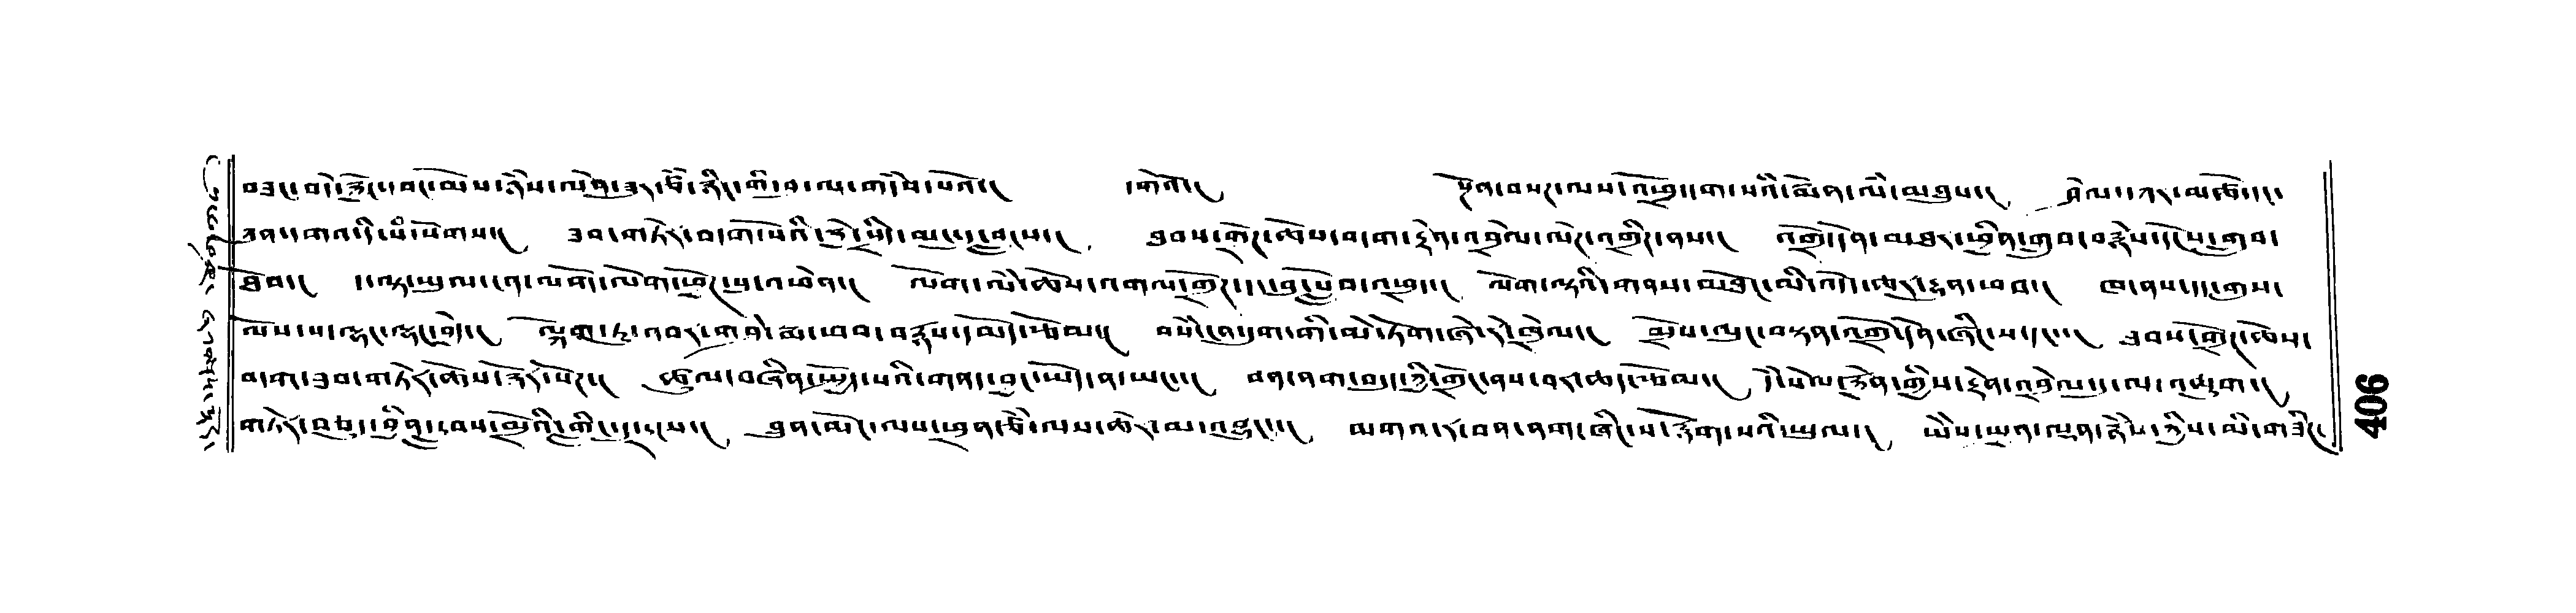བཟང་བདེ་སྐྱོང་དབང་མོས་ཉམས་ལེན་ཟུར་ཙམ་སྙིང་གི་བུ་ལ་གདམས་པའོ།། དགེའོ།། སྔོན་བསགས་ལས་འཕྲོ་དག་པའི་སྨོན་ལམ་མཐུས། །ཤེལ་དཀར་མཚོ་དང་
ཀུན་དགའ་དི་པཾ་སོགས། །ཟབ་གཏེར་བདག་པོའི་སྐྱེ་སྲིད་མང་དུ་བླངས། །ཐབས་གྲོགས་ཆོས་བདག་རྟེན་འབྲེལ་ལེགས་འགྲིགས་ནས། །འགྲོ་དོན་མཐར་ཕྱིན་གྲུབ་བརྙེས་དངོས་གྲུབ་
ཐོབ། །ད་ལྟར་ཡུལ་ངན་མགོ་ལོག་ཕྱོགས་སུ་འཕེན། །ལོག་ལམ་ཆོས་འགལ་གྲོགས་དང་བུ་སློབ་འཕྲད། །ལོག་ལྟའི་གནས་མཐོང་མི་འདོད་ཆར་རྒྱུན་ཕབ། ཁ་ནས་དད་གུས་
མོས་པ་ལྷང་ལྷང་བྱེད། །ལྐོག་ཏུ་འབར་གཤེ་སྨ་ཕབ་བརྙས་དམོད་རྩོམ། །བསམ་ངན་དུག་གི་མེ་ཏོག་ཞེ་རེ་ཁྲེལ། །མཁའ་འགྲོ་ལུང་བསྟན་འགྲོ་དོན་ཞིང་ས་དང་། །ཐབས་གྲོགས་ཆོས་
བདག་ཟབ་གཏེར་ཆོས་སྐོར་སོགས། །ཚུལ་བཞིན་སྤྱོད་པའི་གནད་བྱང་ཡོད་ན་ཡང་། །བན་ནག་བདུད་ཀྱི་གྲོང་ནས་བར་ཆད་རྩོམ། །དམ་སེལ་རྐྱེན་གྱིས་རྟེན་འབྲེལ་དུ་མ་འཆུག །
གཏེར་བཅུད་བྱིན་རླབས་མཁའ་འགྲོའི་གླིང་དུ་དྲངས། །ཐུན་མོང་ལས་ཕྲན་ཙམ་ལས་ཆེར་མ་འབྱུང་། །མགའ་ར་བན་ནག་ཞིང་ས་རྙོག་པའི་ཡུལ། །ཡེ་ཤེས་སྤྱན་ལྡན་རྣམས་ཀྱིས་མི་གཟིགས་